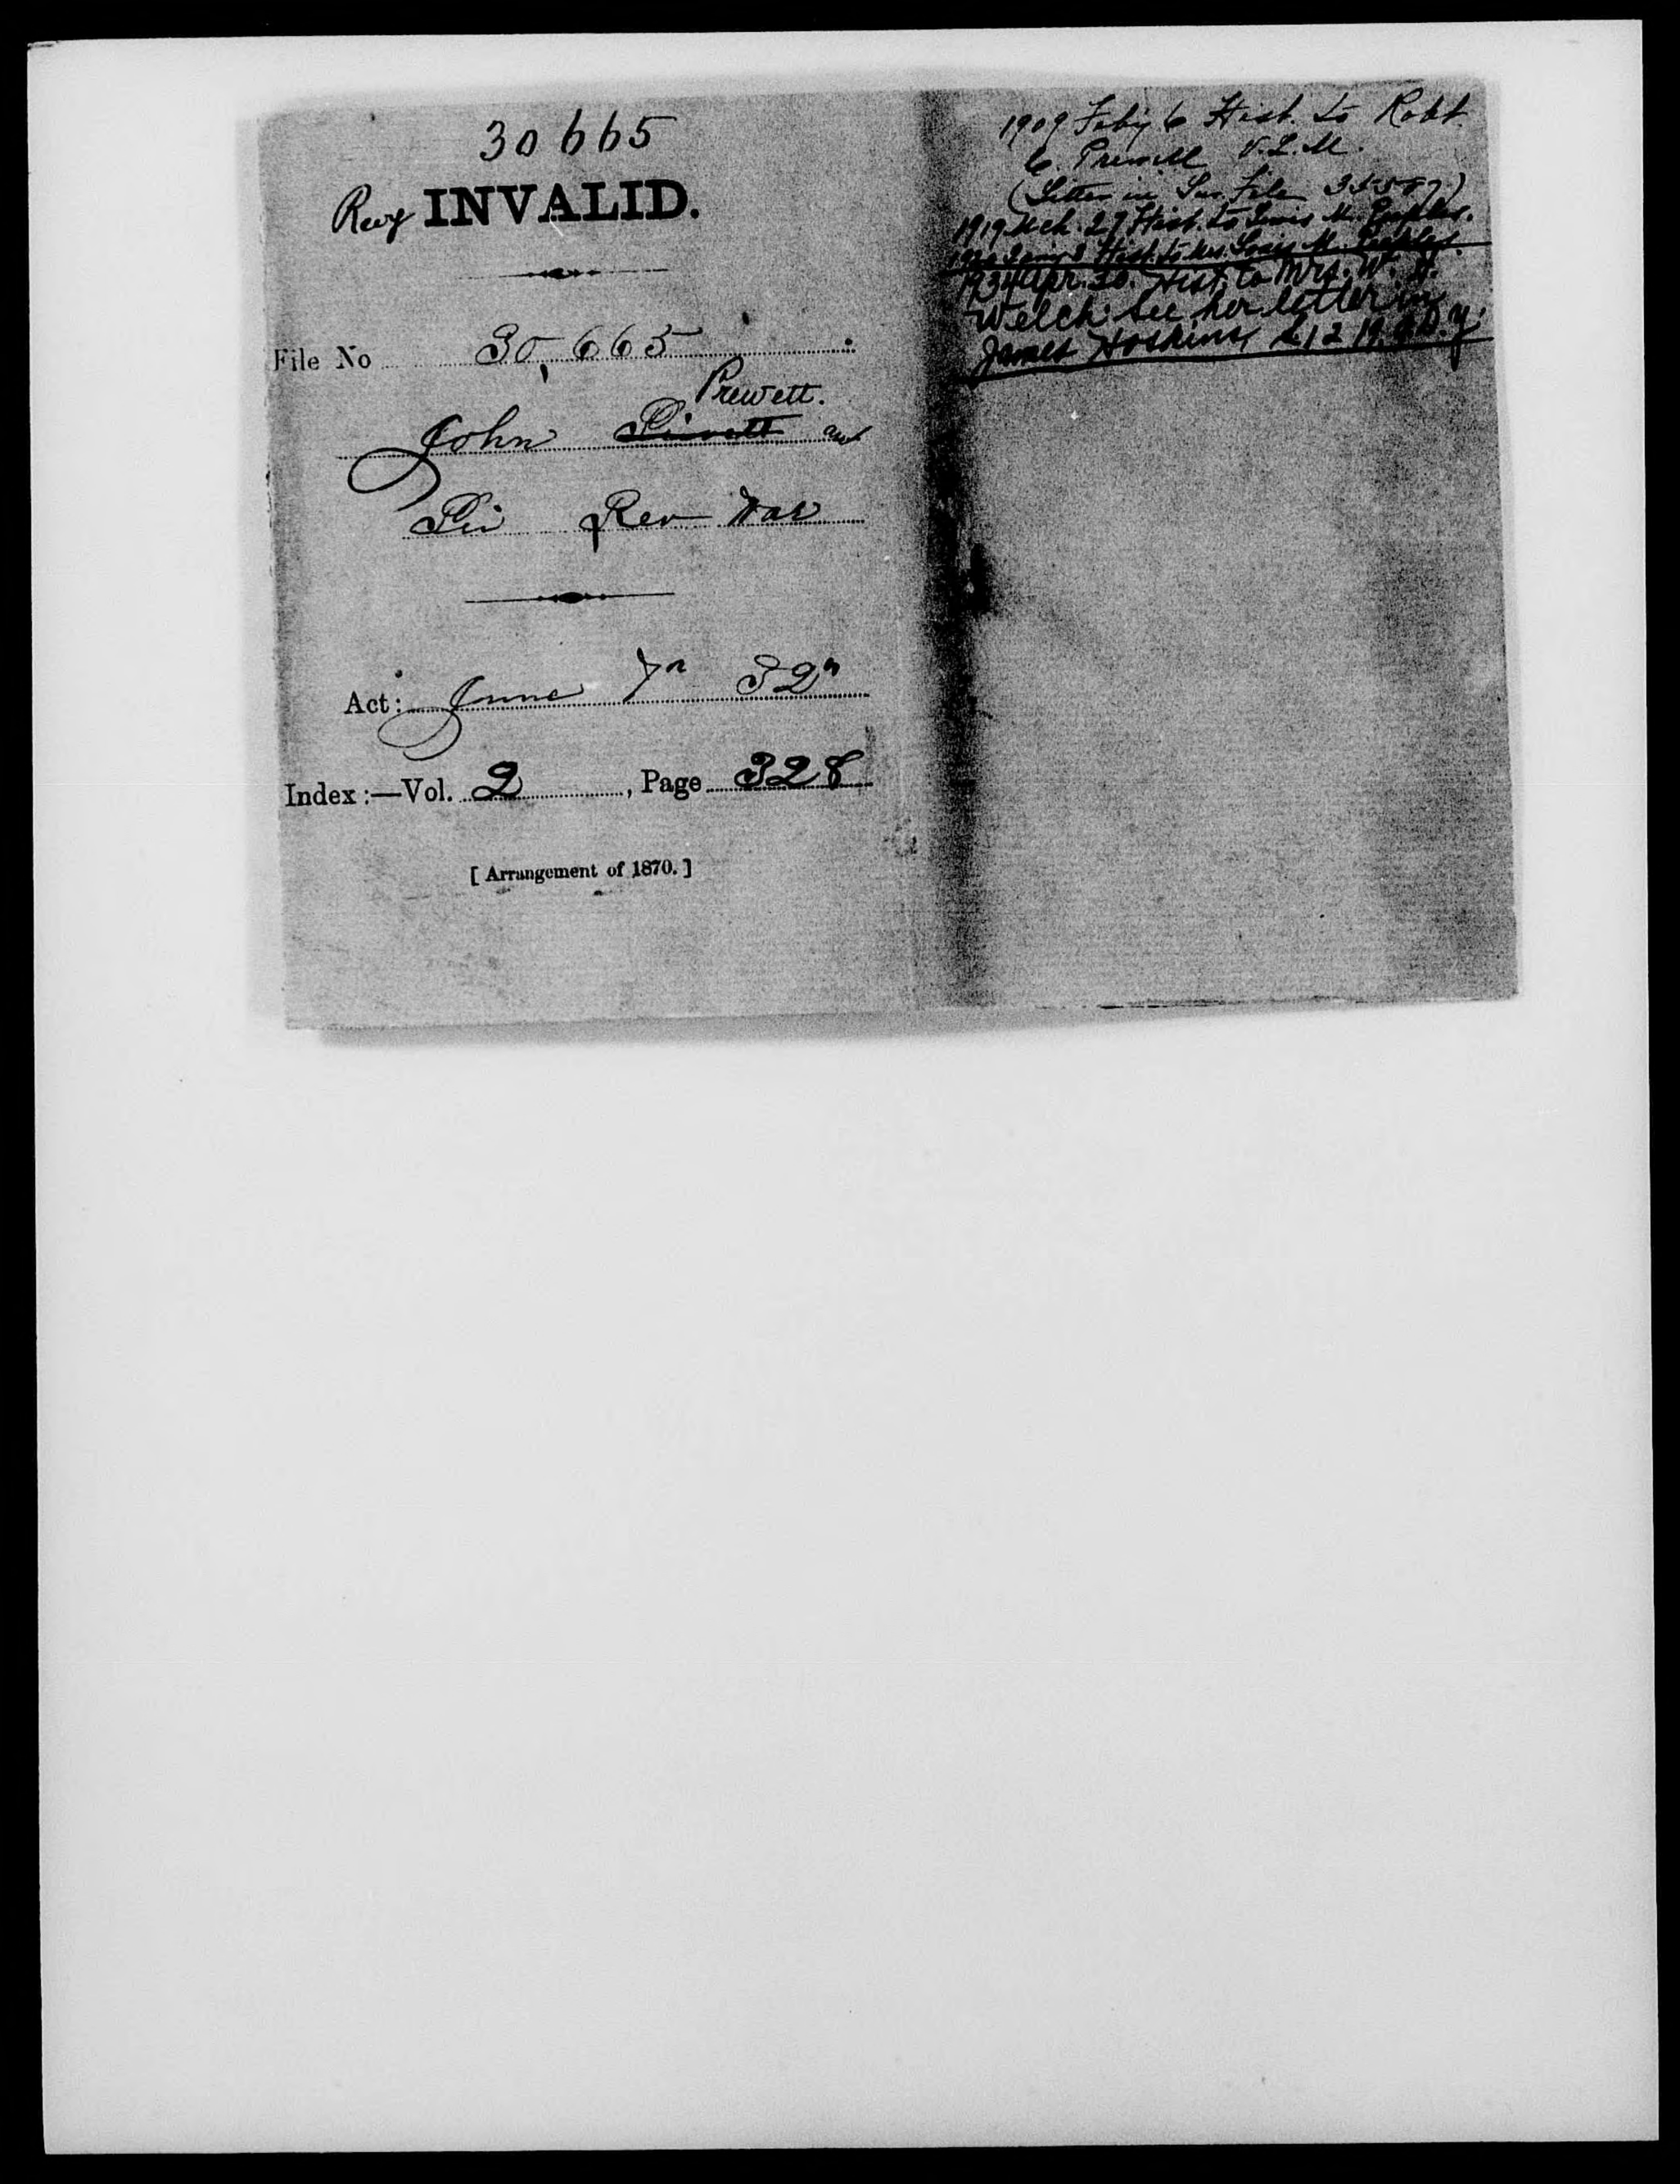30665
Revy INVALID.
File No 30,665
John Prewett AW
Priv Rev War
Act: June 7" 32"
Index:-Vol. 2, Page 328
[Arrangement of 1870.]

1909 Feby 6 Hist to Robt. C. Prewett V.L.M.
(Letter in Sur File 35587)
1919 Mch 27 Hist. to Mrs. Louis M. Peeples
1934 Apr. 30. Hist. to Mrs. W. H. Welch. See her letter in James Hoskins, S. 1219. A.D.Y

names: James Hoskins; W H Welch; John Prewett; Robt C Prewett; Louis M Peeples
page: 18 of 35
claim: survivor's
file: S. 30,665, for John Prewett, Virginia